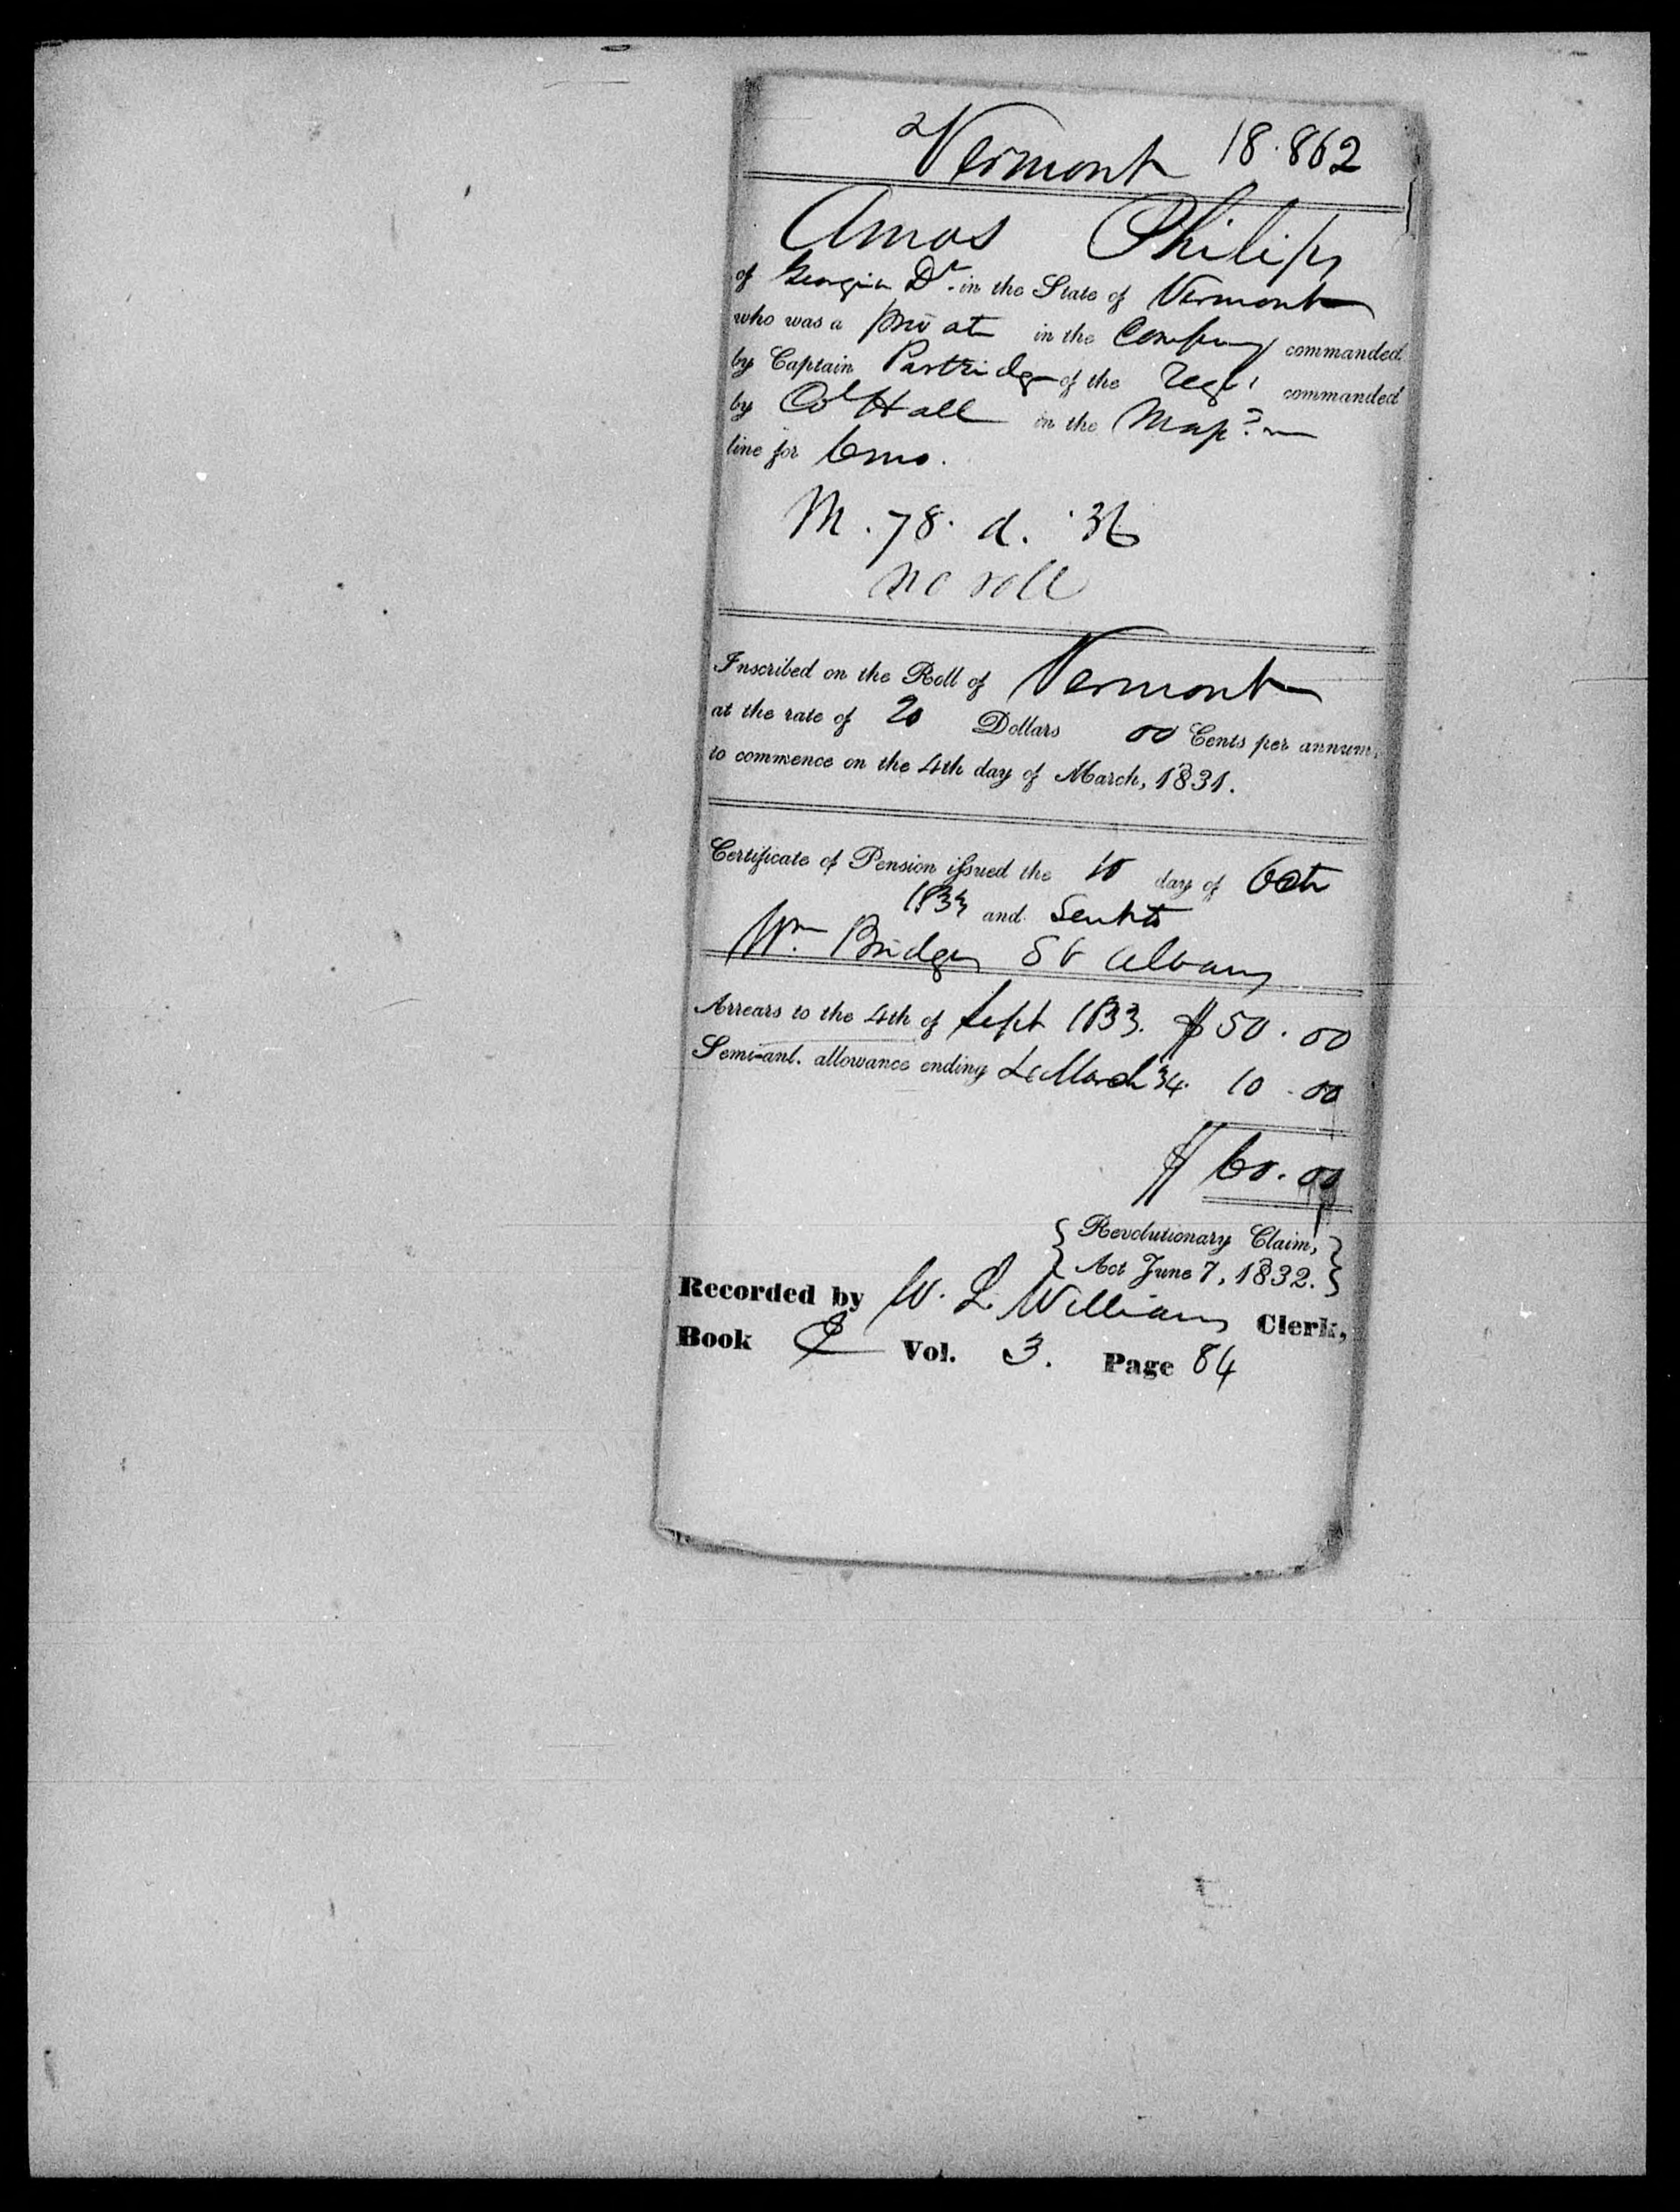[Preprinted for with handwritten answers]
Vermont 18.862
Amos Philips of Georgia Dr in the State of Vermont who was a private in the Company commanded by Captain Partridge of the regt. commaned by Col Hall in the Map line for 6 mo. M. 78. d. 36 no roll Inscribed on the Roll of Vermont at the rate of 20 Dollars 00 Cents per annum to commence on the 4th day of March, 1831. Certificate of Pension issued the 19 day of Octr 1833 and Sent to Wm. Bridges St Albany Arrears to the 4th of Sept 1833 $50.00 Semi-anl. allowance ending 4 March 34. 10.00 $60.00 Revolutionary Claim, Act June 7, 1832. Recorded by W. L. Williams Clerk, Book [illegible] Vol. 3. Page 84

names: [BLANK] Hall; [BLANK] Partridge; W L Williams; Wm Bridges; Amos Philips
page: 2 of 26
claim: widow's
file: W. 26,886, for Amos Phillips, Massachusetts